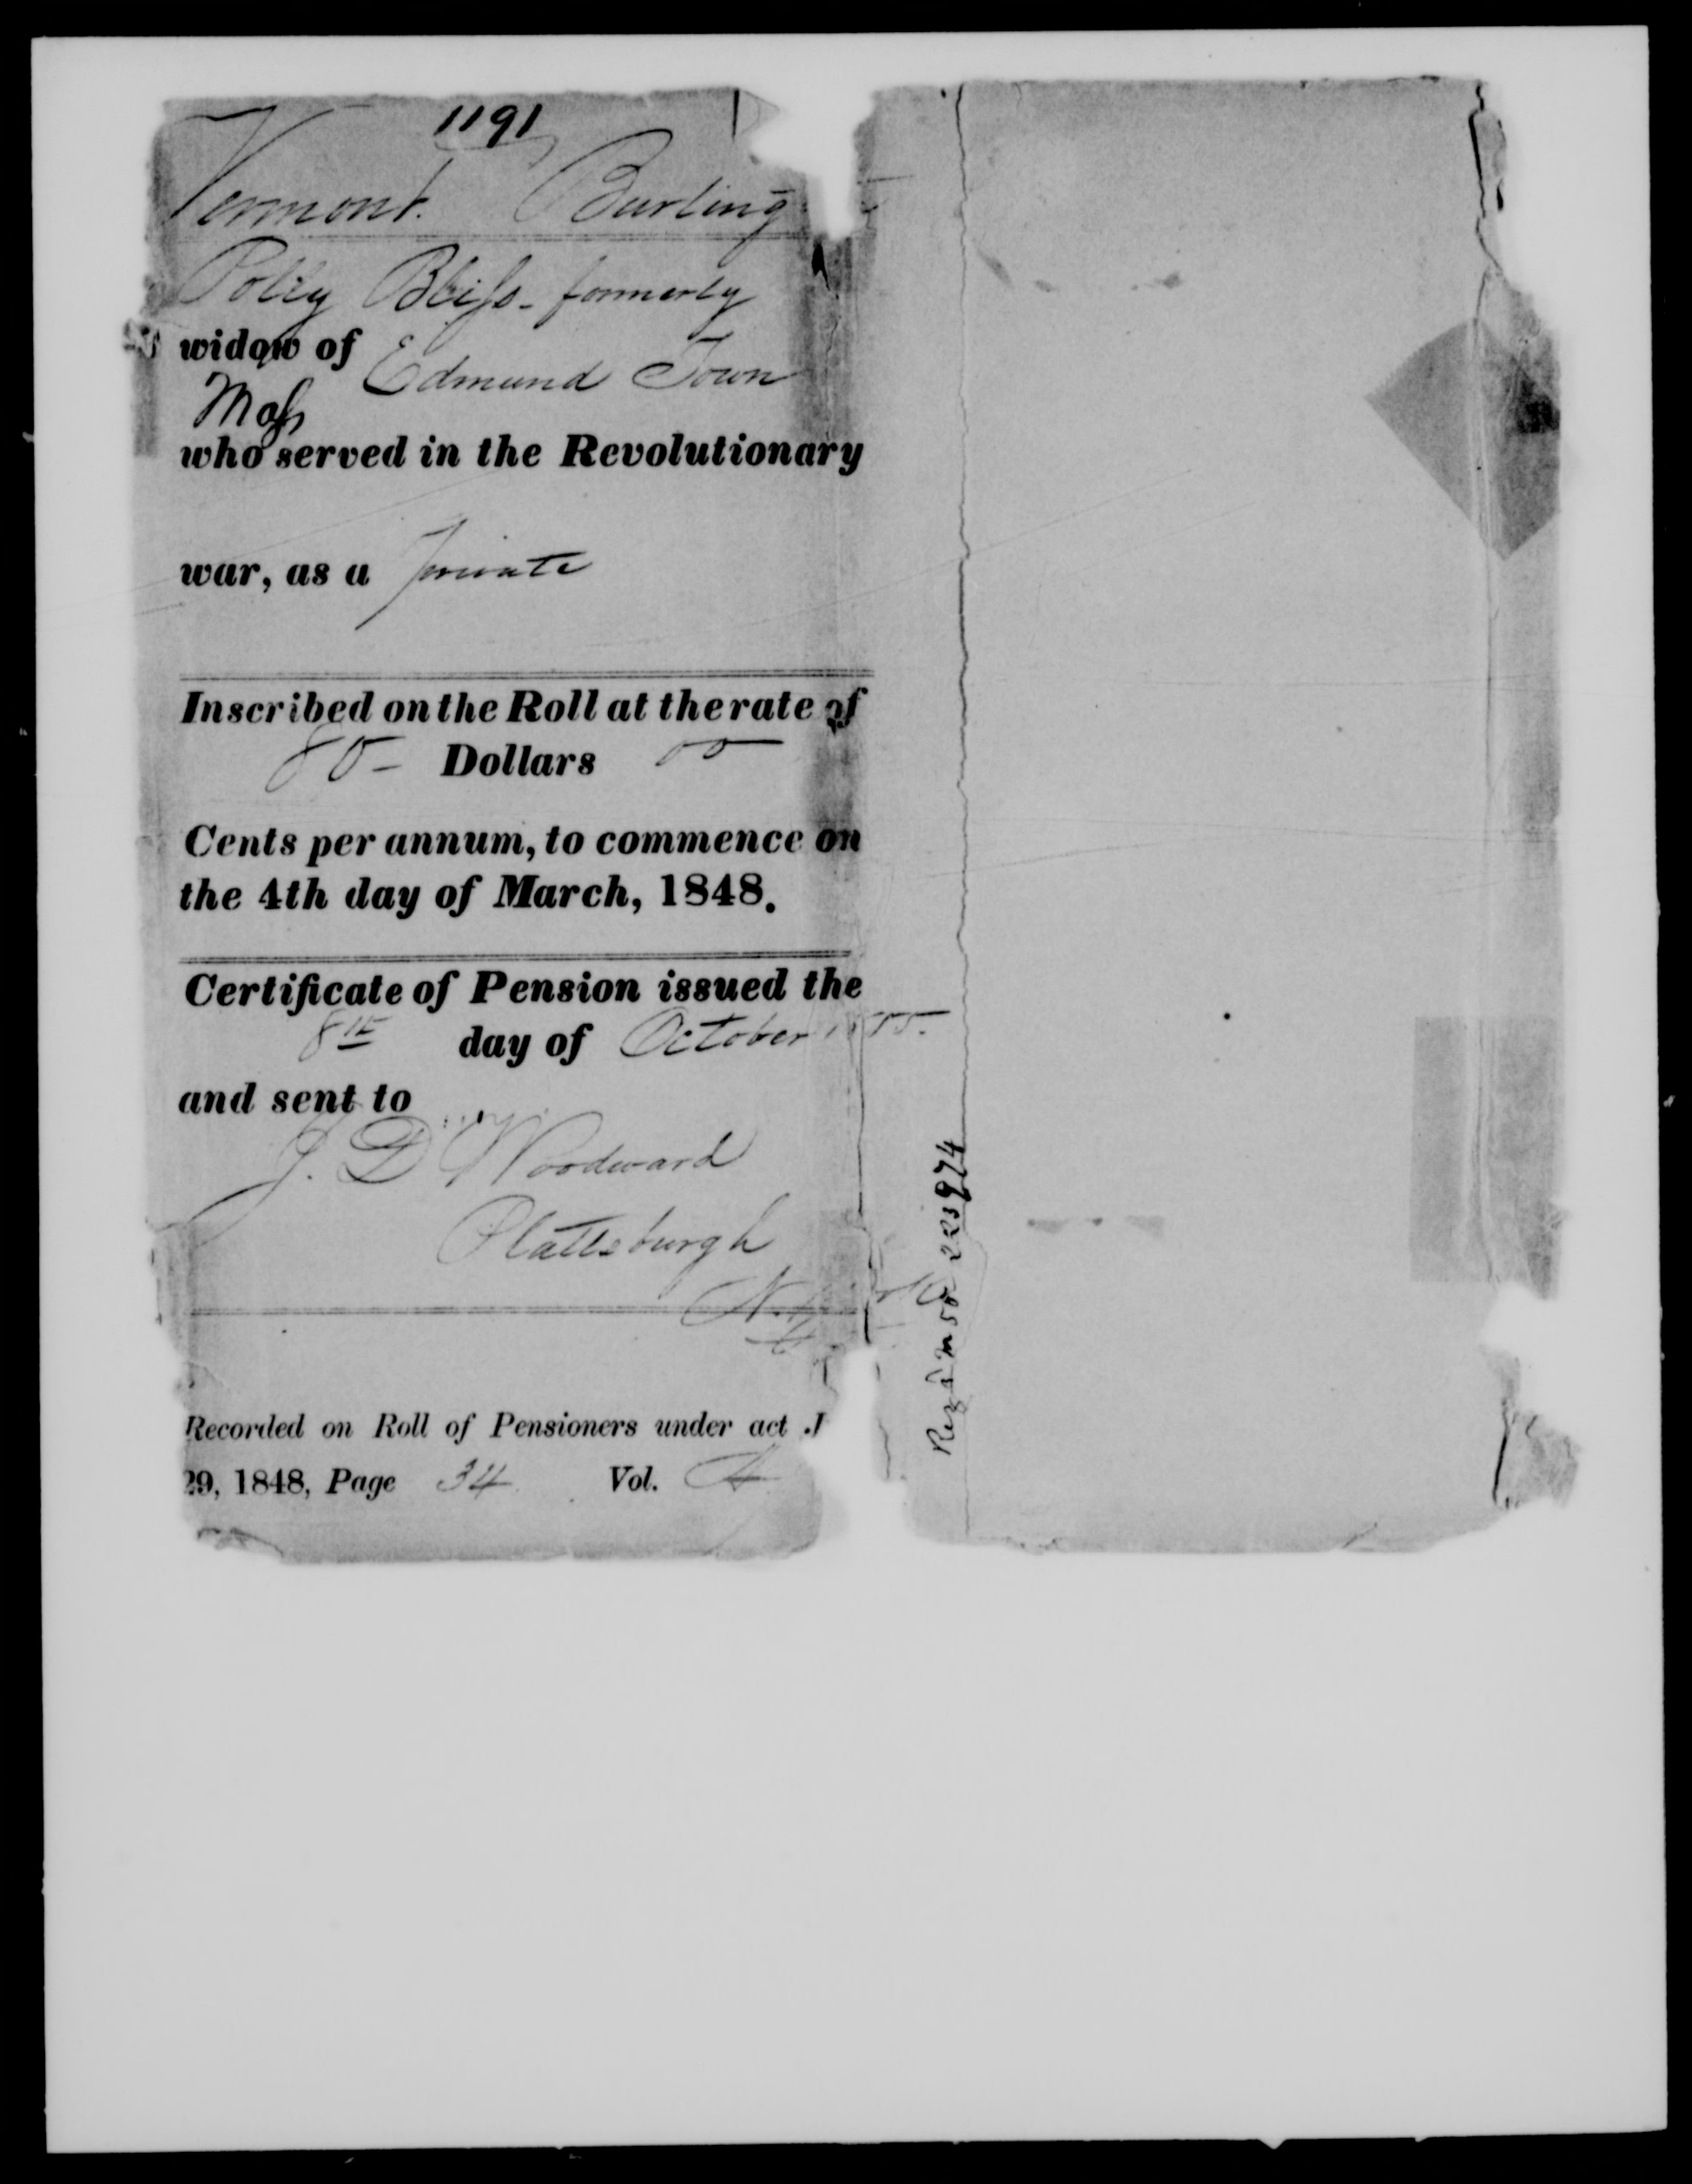1191
Vermont, Burlington
Polly Bliss, formerly
widow of Edmund Town
Mass, who served in the Revolutionary war, as a private

Inscribed on the Roll at the rate of 80 Dollars 00 Cents per annum, to commence on the 4th day of March 1848

Certificate of Pension issued the 8th day of October 1855 and sent to J. D. Woodward
Plattsburgh New York

Recorded on Roll of Pensioners under act (torn)
29, 1848, Pate 34 Vol. A

(illegible notation)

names: Polly Bliss, J D Woodward, Edmund Town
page: 2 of 64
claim: widow's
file: W. 5831, Edmund Town, Mass.